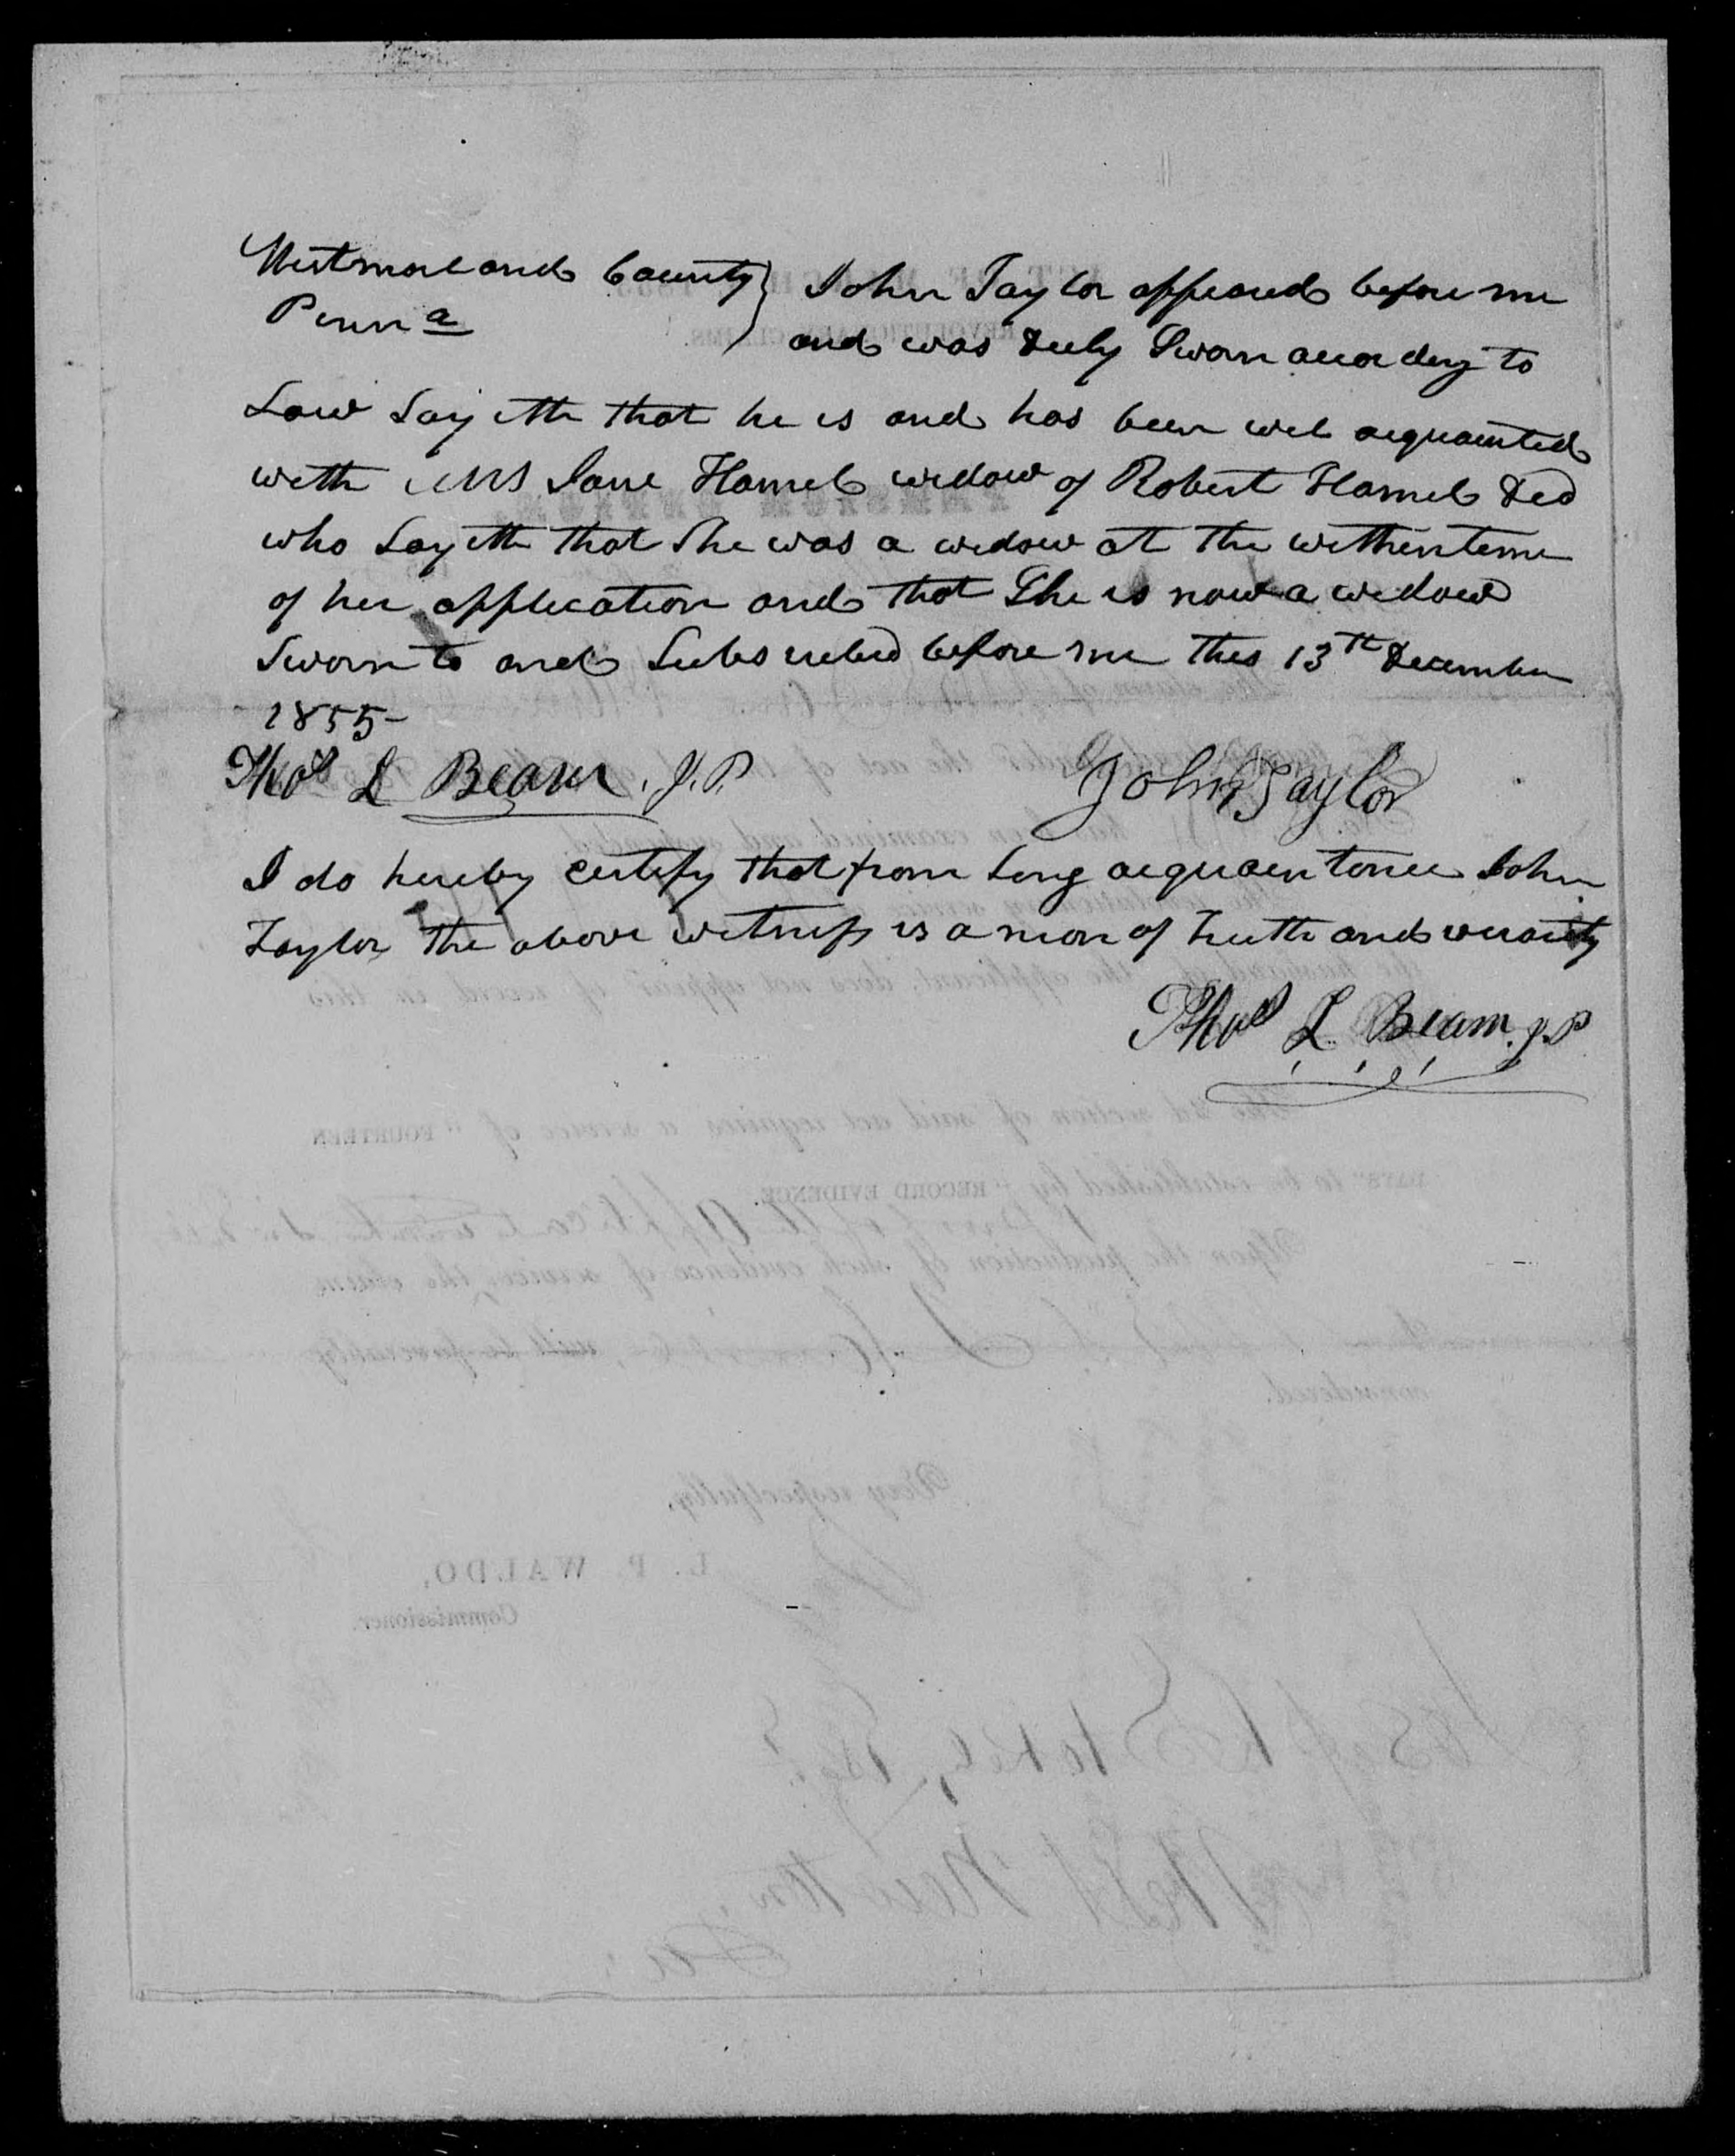Westmorland County ⎬  
Penna

John Taylor appeared before me and was duly sworn according to Law sayeth that he is and has been well acquainted with Mrs Jane Hamel widow of Robert Hamel decd who sayeth that she was a widow at the written time of her application and that she is now a widow
Sworn to and subscribed before me this 13th December 1855 -

Thos D Bean, J. P.
John Taylor
I do hereby certify that from Long acquaintance John Taylor the above witness is a man of truth and veracity
Thos L Beam J.P.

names: Thos L Beam, John Taylor, John Taylor, John Taylor, Jane Hamel, Robert Hamel, Thos L Beam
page: 74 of 92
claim: widow's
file: W 1173, Robert Hamill, Penn.